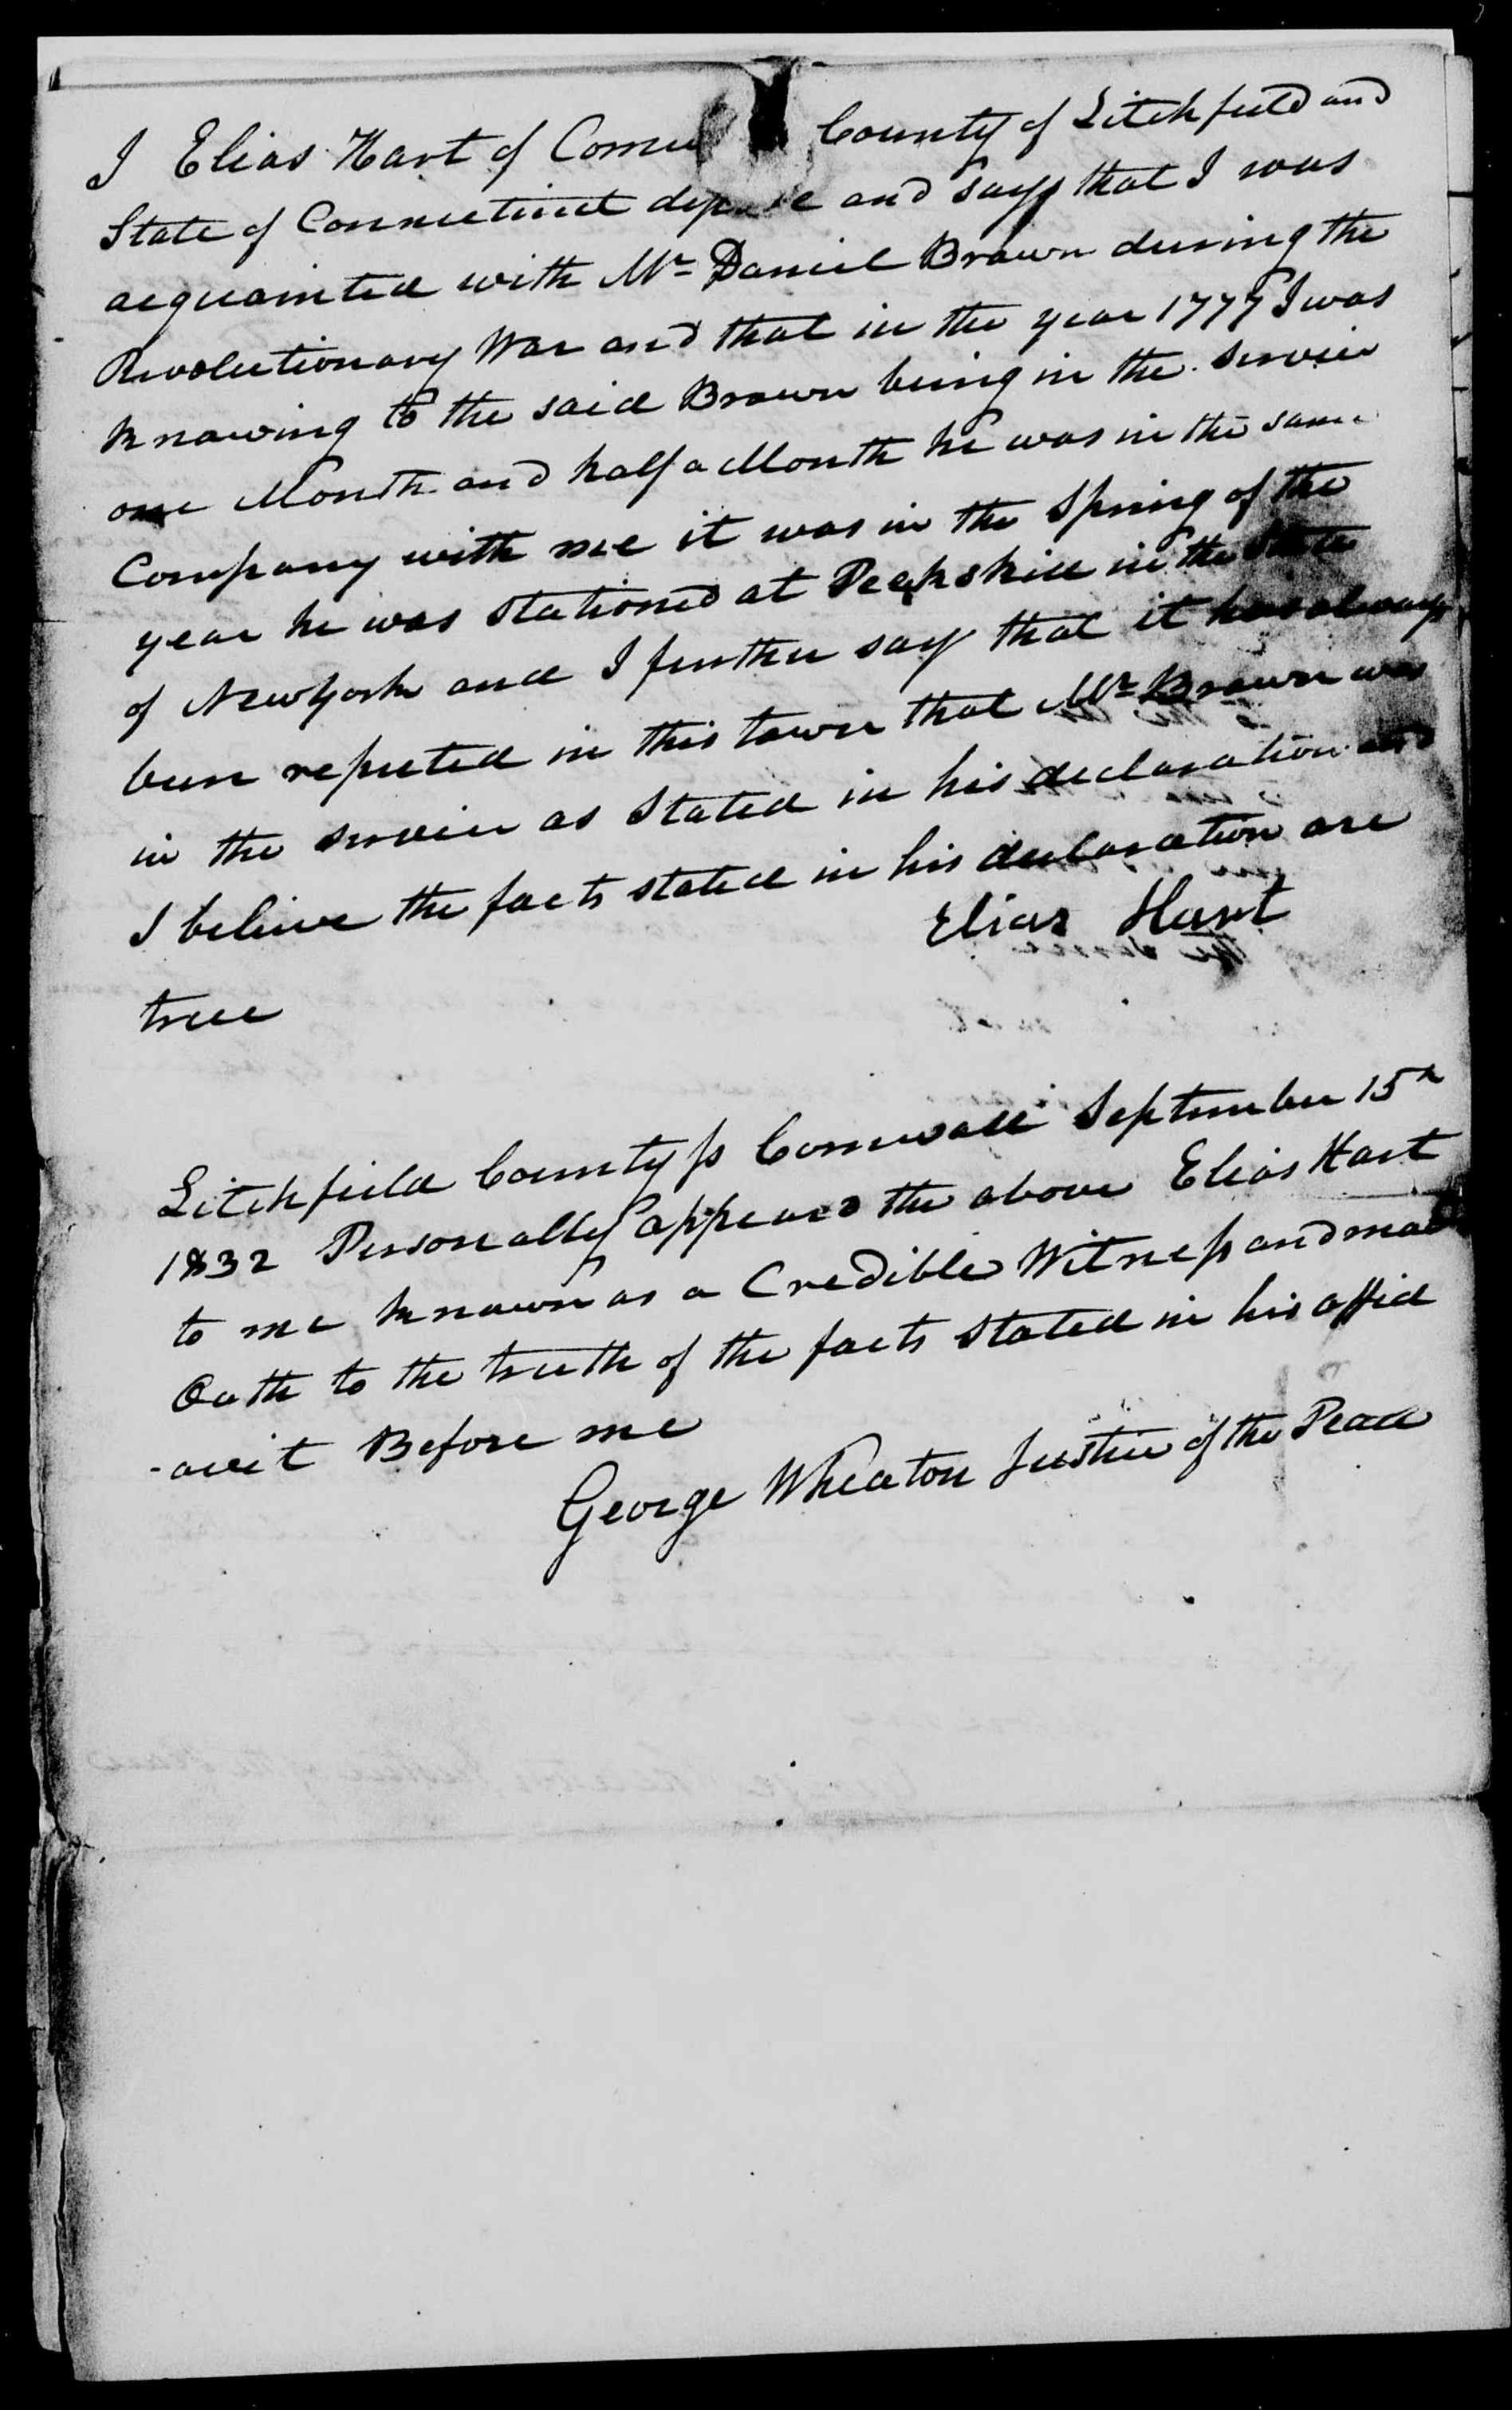I Elias Hart of Cornwall, County of Litchfield and State of Connecticut depose and say that I was acquainted with Mr. Daniel Brown during the Revolutionary War and that in the year 1777 I was knowing to the said Brown being in the service one Month and half a month he was in the same Company with me it was in the spring of the year he was stationed at Peekskill in the State of New York and I further say that it has always been reputed in this town that Mr. Brown was in the service as stated in his declaration. I believe the facts stated in his declaration are true.
Elias Hart

Litchfield County Ss Cornwall September 15th 1832 Personally appeared the above Elias Hart to me known as a credible witness and made oath to the truth of the facts stated in his affidavit before me
George Wheaton Justice of the Peace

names: Elias Hart, George Wheaton, Brown, Brown, Daniel Brown, Elias Hart, Elias Hart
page: 23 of 37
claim: widow's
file: W. 20,787, Daniel Brown, Conn. Navy.